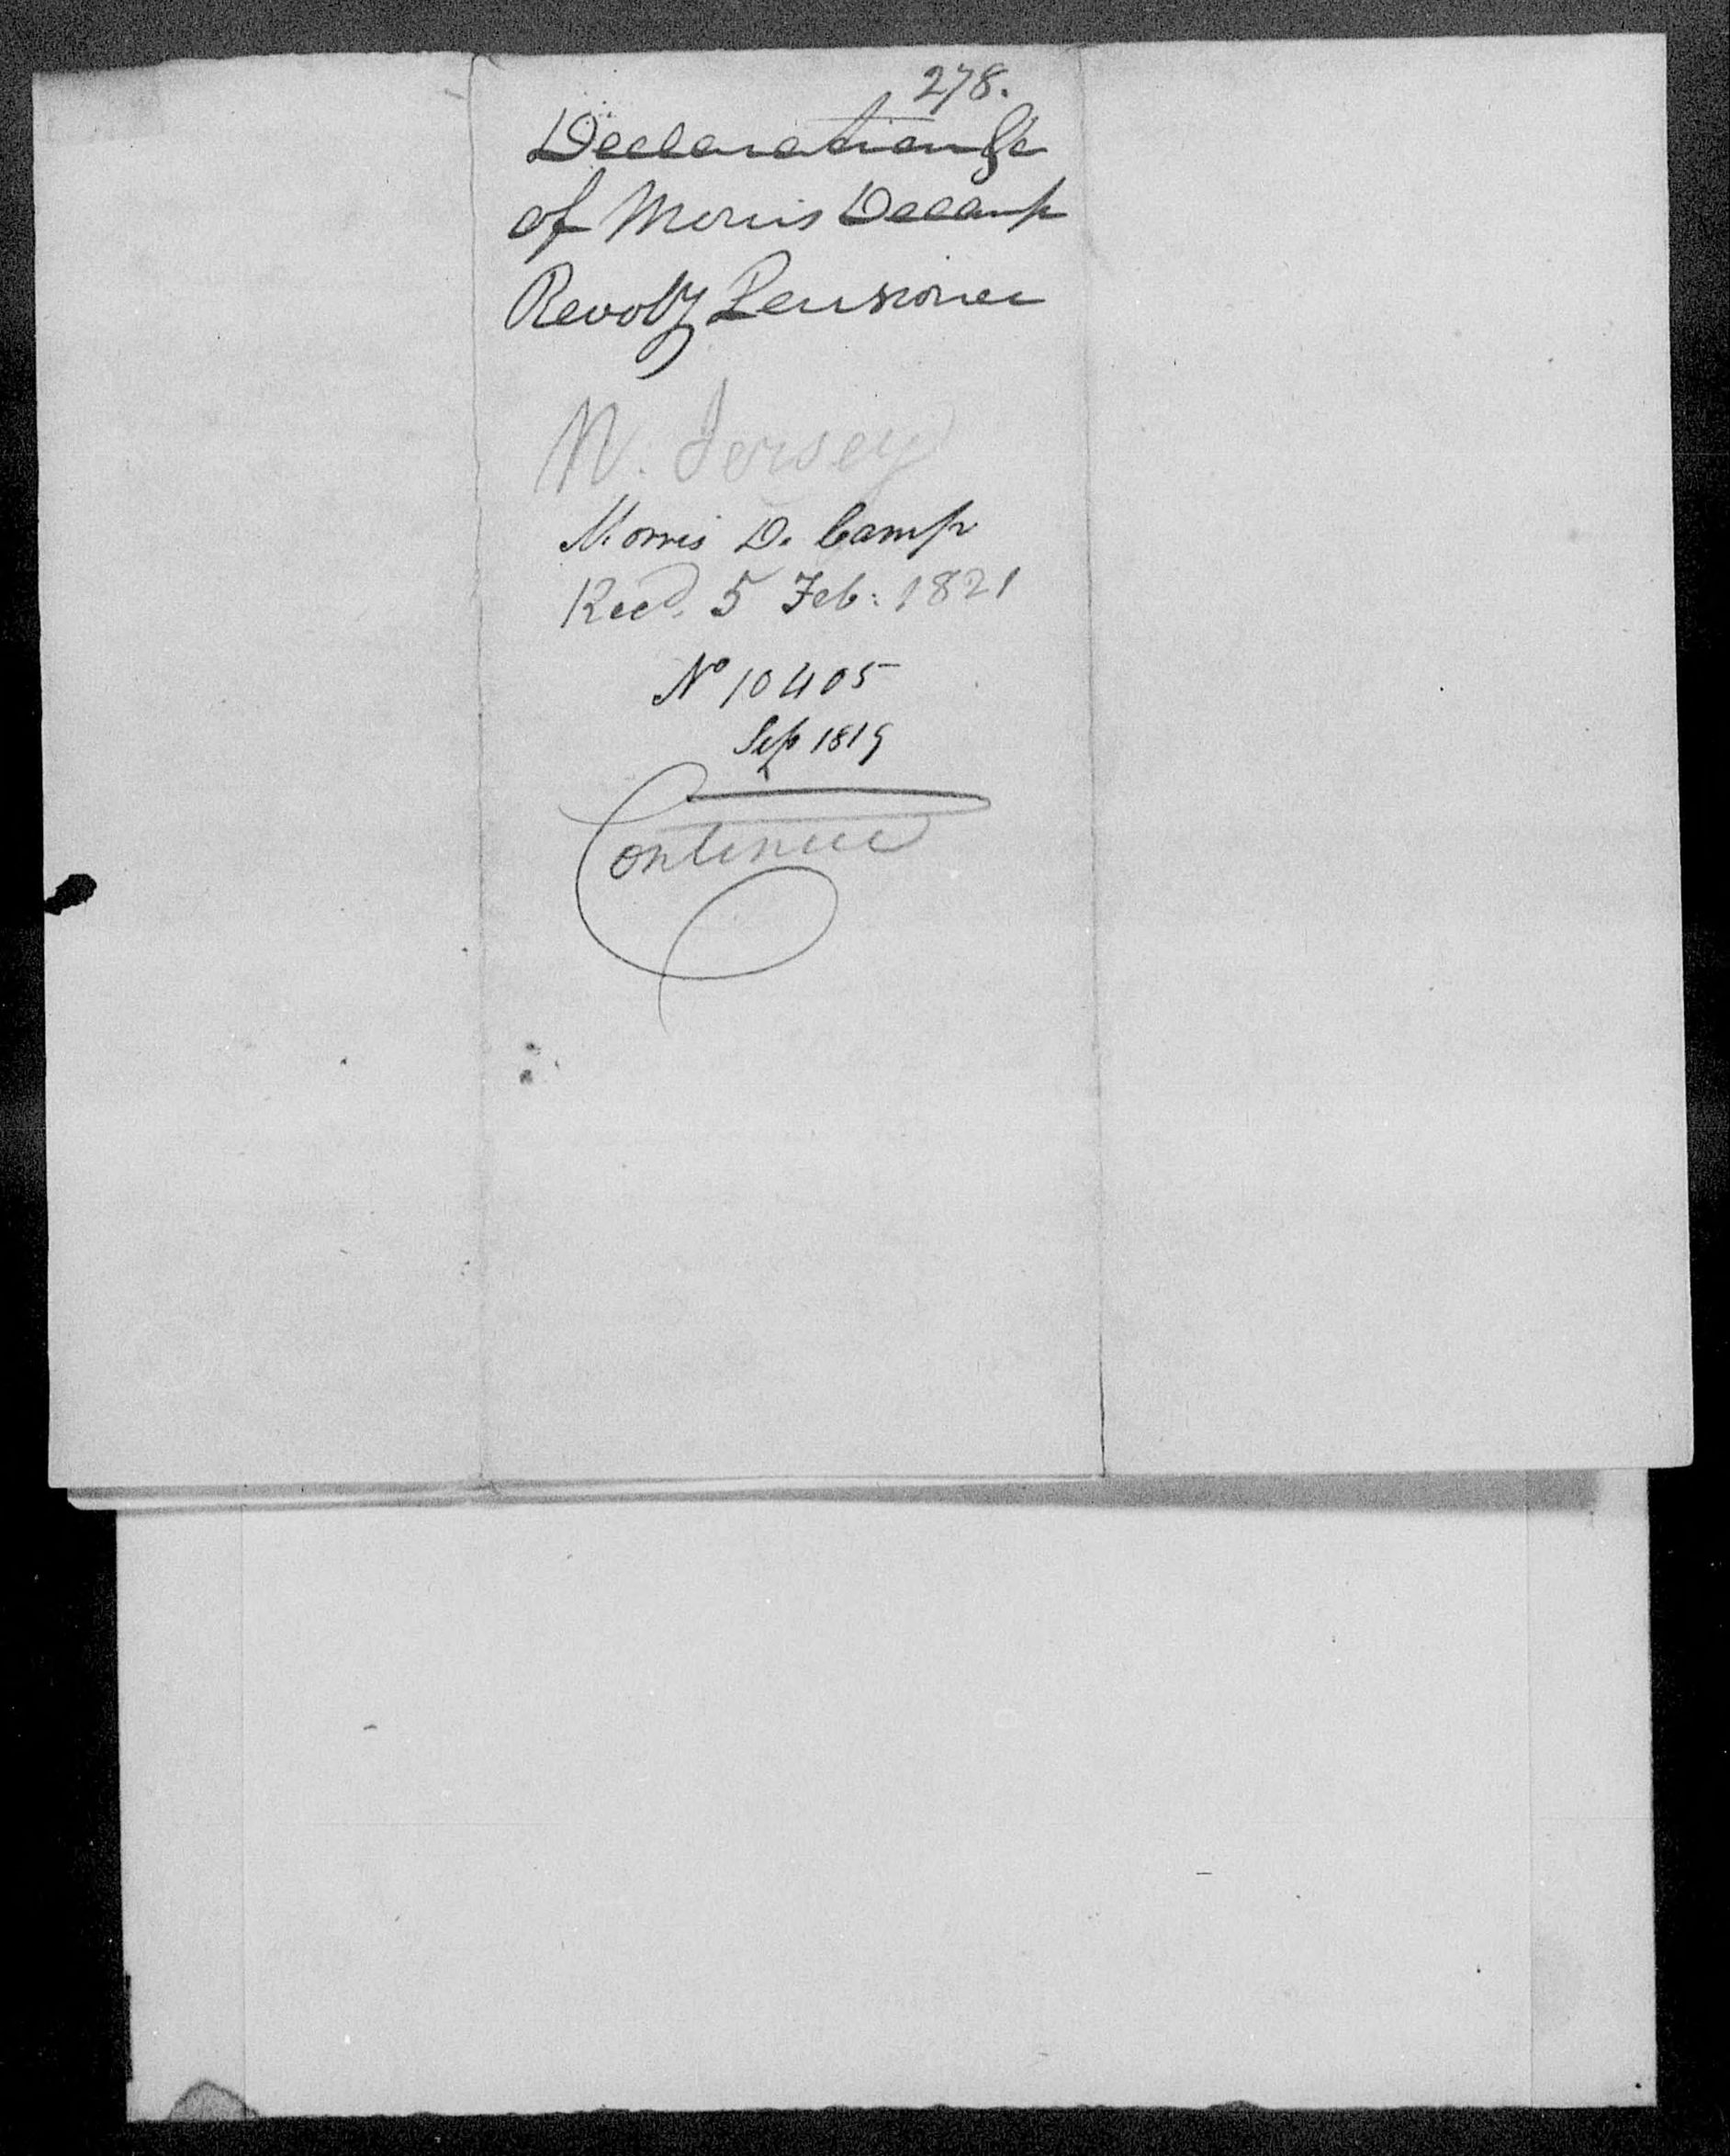278.
Declaration-&c.
of Morris DeCamp
Revoly. Pensioner

N. Jersey
Morris D. Camp
Recd. 5 Feb. 1821
No 10405
Sep 1819
Continue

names: Morris De Camp, Morris Decamp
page: 9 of 52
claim: survivor's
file: S. 34172, Morris D Camp, Continental (New Jersey)